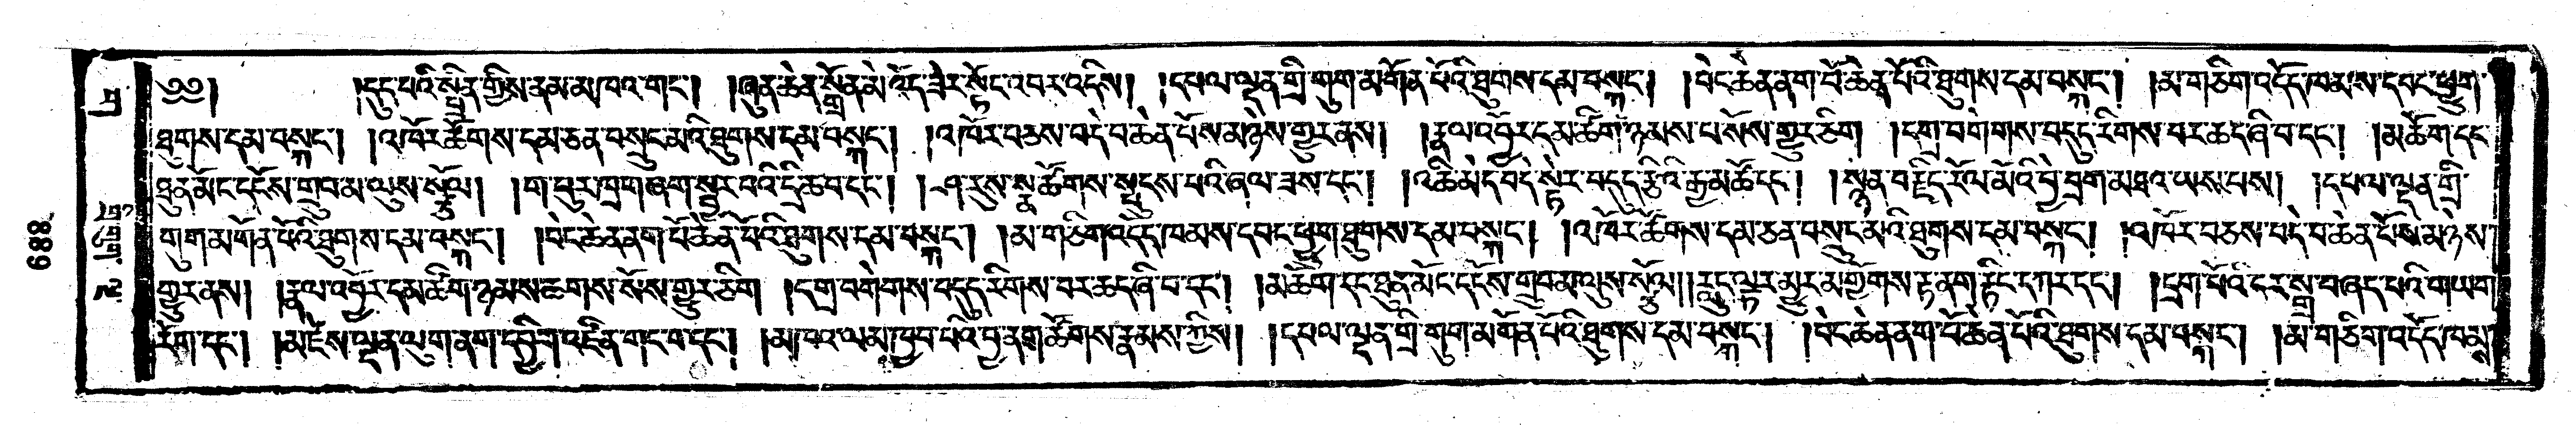༄༅། །དུད་པའི་སྦྱིན་གྱིས་ནམ་མཁའ་གང་། །ཞུན་ཆེན་སྒྲོན་མེ་འོད་ཟེར་སྟོང་འབར་འདིས། །དཔལ་ལྡང་རི་གུག་མགོན་པོ་འི་ཐུགས་དམ་བསྐད། །བདེ་ཆེན་ནག་པོ་ཆེན་པོའི་ཐུགས་དམ་བསྐད། །མ་ཅིག་འདོད་ཁམས་དབང་ཕྱུག་
ཐུགས་དམ་བསྐད། །འཁོར་ཚོགས་དམ་ཅན་བསྲུང་མའི་ཐུགས་དམ་བསྐད། །འཁོར་བཅས་བདེ་བ་ཆེན་པོས་མཉེས་གྱུར་ནས། །རྣལ་འབྱོར་དམ་ཚིག་ཉམས་པ་སོས་གྱུར་ཅིག །དགྲ་བགེགས་འདུད་རིགས་བར་ཆད་ཞི་བ་དང་། །མཆོད་དང་
ཐུན་མོང་དངོས་གྲུབ་མ་ལུས་སྩོལ། །ག་བུར་ཁྲག་ཞག་སྦྱར་བའི་དྲི་ཆ་བ་དང་། །ཤི་རུས་སྣ་ཚོགས་སྤུངས་པའི་ཞལ་ཟས་དང་། །འཆི་མེད་བདེ་སྟེར་བདུད་རྩིའི་རྒྱ་མཚོ་དང་། །སྙན་བརྗིད་རོལ་མོའི་བྱེ་བྲག་མཐའ་ཡས་པས། །དཔལ་ལྡན་གྲི་
གུག་མགོན་པོའི་ཐུགས་དམ་བསྐད། །བདེ་ཆེན་ནག་པོ་ཆེན་པོའི་ཐུགས་དམ་བསྐད། །མ་གཅིག་འདོད་ཁམས་དབང་ཕྱུག་ཐུགས་དམ་བསྐད། །འཁོར་ཚོགས་དམ་ཅན་བསྲུང་མའི་ཐུགས་དམ་བསྐད། །འཁོར་བཅས་བདེ་བ་ཆེན་པོས་མཉེས་
གྱུར་ནས། །རྣལ་འབྱོར་དམ་ཚིག་ཉམས་ཆགས་སོས་གྱུར་ཅིག །དགྲ་བགེགས་བདུད་རིགས་བར་ཆད་ཞི་བ་དང་། །མཆོད་དང་ཐུན་དངོས་གྲུབ་མ་ལུས་སྩོལ། །རླུང་ལྟར་མྱུར་མགྱོགས་རྟག་ནག་རྟིང་དཀར་དང་། །དྲག་པོའི་དང་སྒྲ་བཞད་པའི་གཡག་
རོག་དང་། །མཛེས་ལྡན་ལུག་ནག་དབྱིགས་འཛིན་གང་བ་དང་། །མཁའ་ལམ་ཁྱབ་བའི་བྱ་ནག་ཚོགས་རྣམས་ཀྱིས། །དཔལ་ལྡན་གྲི་གུག་མགོན་པོའི་ཐུགས་དམ་བསྐད། །བདེ་ཆེན་ནག་པོ་ཆེན་པོའི་ཐུགས་དམ་བསྐད། །མ་གཅིག་འདོད་ཁམས་